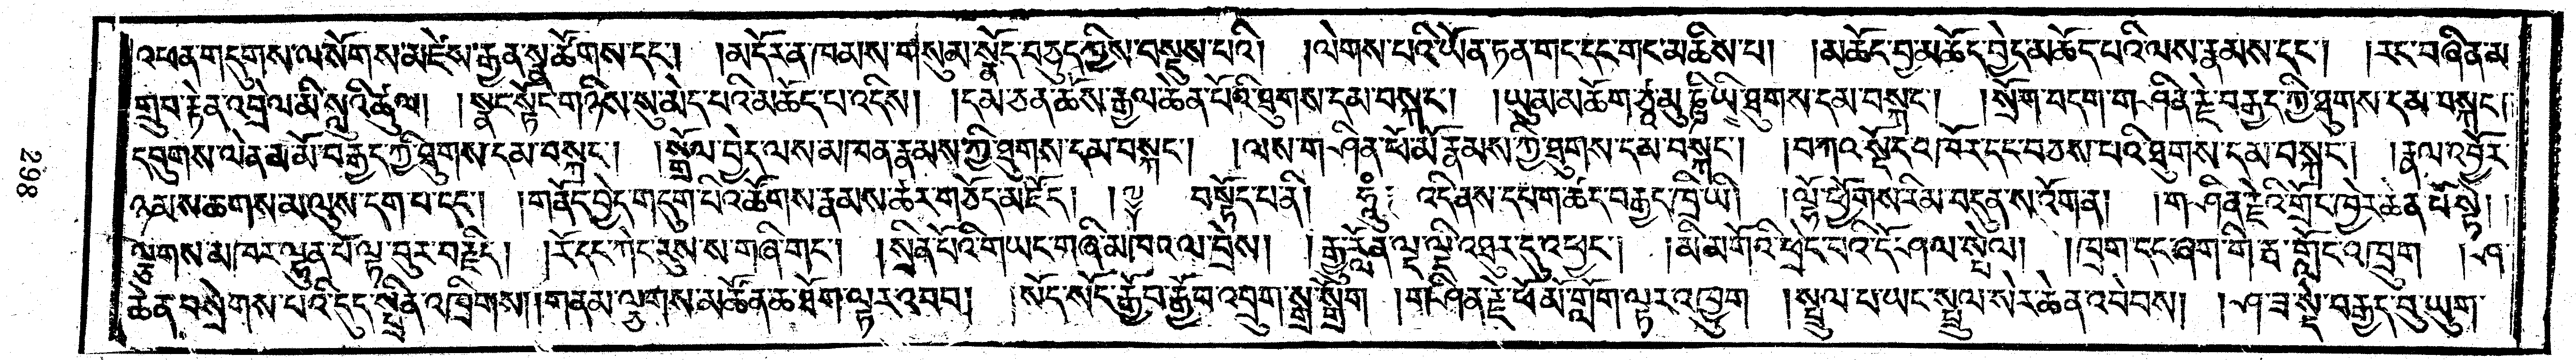འཕན་གདུགས་ལ་སོགས་མཛེས་རྒྱན་སྣ་ཚོགས་དང་། །མདོར་ན་ཁམས་གསུམ་སྣོད་བཅུད་ཀྱིས་བསྡུས་པའི། །ལེགས་པའི་ཡོན་ཏན་གང་དང་གང་མཆིས་པ། །མཆོད་བྱ་མཆོད་བྱེད་མཆོད་པའི་ལས་རྣམས་དང་། །རང་བཞིན་མ་
གྲུབ་རྟེན་འབྲེལ་མི་སླུའི་ཚུལ། །སྣང་སྟོང་གཉིས་སུ་མེད་པའི་མཆོད་པ་འདིས། །དམ་ཅན་ཆོས་རྒྱལ་ཆེན་པོའི་ཐུགས་དམ་བསྐང་། །ཡུམ་མཆོག་ཙཱ་མུཎྜི་ཡི་ཐུགས་དམ་བསྐང་། །སྲོག་བདག་གཤིན་རྗེ་བརྒྱད་ཀྱི་ཐུགས་དམ་བསྐང་།
དབུགས་ལེན་མ་མོ་བརྒྱད་ཀྱི་ཐུགས་དམ་བསྐང་། །སྒྲོལ་བྱེད་ལས་མཁན་རྣམས་ཀྱི་ཐུགས་དམ་བསྐང་། །ལས་གཤིན་ཕོ་མོ་རྣམས་ཀྱི་ཐུགས་དམ་བསྐང་། །བཀའ་སྡོད་འཁོར་དང་བཅས་པའི་ཐུགས་དམ་བསྐང་། །རྣལ་འབྱོར་
ཉམས་ཆགས་མ་ལུས་དག་པ་དང་། །གནོད་བྱེད་གདུག་པའི་ཚོགས་རྣམས་ཚར་གཅོད་མཛོད། ། ༈ བསྟོད་པ་ནི། ཧཱུཾ༑ འདི་ནས་དཔག་ཚད་བརྒྱད་ཁྲི་ཡི། །ལྷོ་ཕྱོགས་རིམ་བདུན་ས་འོག་ན། །གཤིན་རྗེའི་གྲོང་ཁྱེར་ཆེན་པོ་སྟེ། །
ལྕགས་མཁར་ལྷུན་པོ་ལྟ་བུར་བརྗིད། །རོ་དང་ཀེང་རུས་ས་གཞི་གང་། །སྲིན་པོའི་གཡང་གཞི་མཁའ་ལ་བྲེས། །རྒྱུ་རློན་ལྔ་ལྡི་འཐུར་དུ་འཕྱང་། །མི་མགོའི་ཕྲེང་བའི་དོ་ཤལ་སྤེལ། །ཁྲག་དང་ཞག་གི་རྦ་གློང་འཁྲུག །ཤ་
ཆེན་བསྲེགས་པའི་དུད་སྤྲིན་འཁྲིགས། །གནམ་ལྕགས་མཚོན་ཆ་ཐོག་ལྟར་འབབ། །སོད་སོང་རྒྱོབ་རྒྱོབ་འབྲུག་སྒྲ་སྒྲོག །གཤིན་རྗེ་ཕོ་མོ་གློག་ལྟར་འཁྱུག །སྤྲུལ་པ་ཡང་སྤྲུལ་སེར་ཆེན་འབེབས། །ཤ་ཟ་སྡེ་བརྒྱད་བུ་ཡུག་